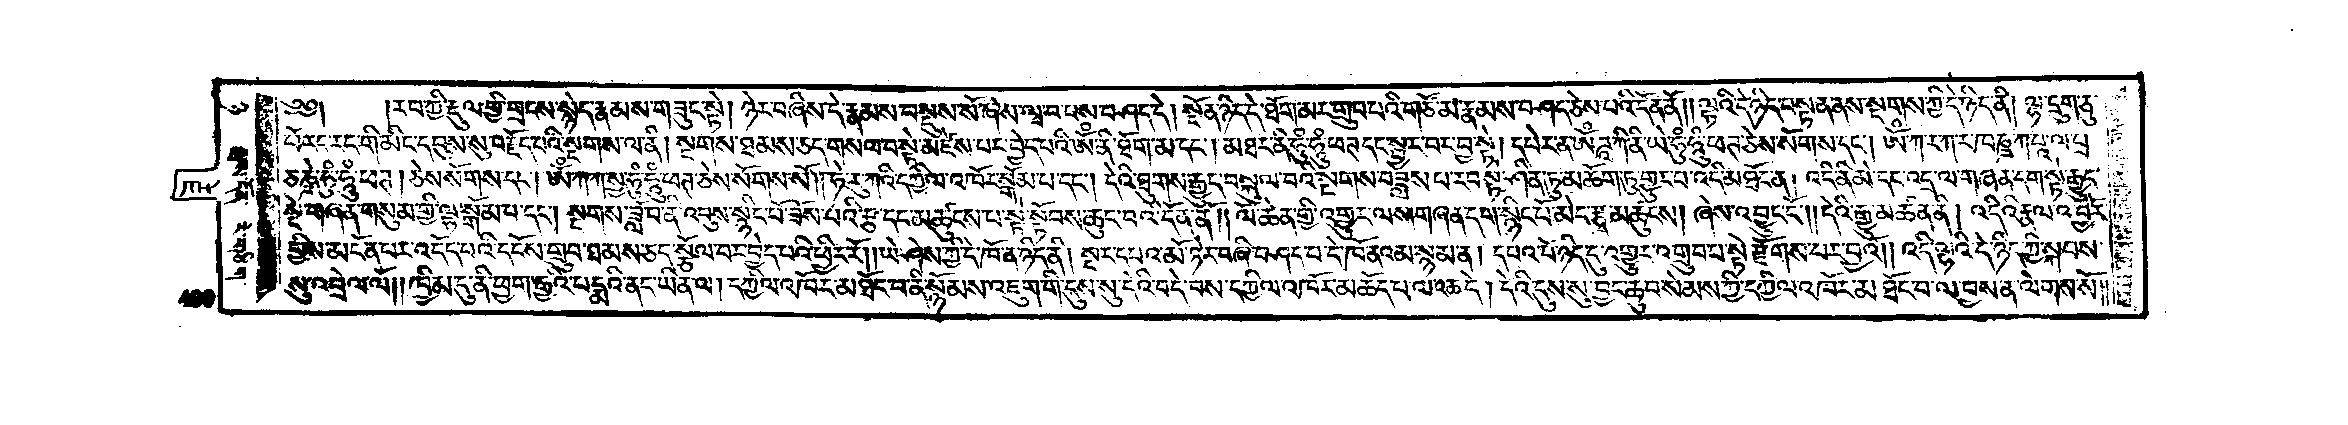༄༅། །རབ་ཀྱི་རྡུལ་གྱི་གྲངས་སྙེད་རྣམས་གཟུང་སྟེ། ཉེར་བཞིས་དེ་རྣམས་བསྡུས་སོ་ཞེས་ལྭ་བ་པས་བཤད་དེ། སྔོན་ཉིད་དེ་ཐོག་མར་གྲུབ་པའི་གཙོ་མོ་རྣམས་བཤད་ཅེས་པའི་དོན་ནོ། །ལྷའི་དེ་ཉིད་བསྟན་ནས་སྔགས་ཀྱི་དེ་ཉིད་ནི། ལྷ་དྲུག་ཅུ་
པོ་རང་རང་གི་མིང་དབུས་སུ་བརྗོད་པའི་སྔགས་ལ་ནི། སྔགས་ཐམས་ཅད་གསལ་བ་སྟེ་མཛེས་པར་བྱེད་པའི་ཨོཾ་ནི་ཐོག་མ་དང་། མཐར་ནི་ཧུཾ་ཧཱུཾ་ཕགས་དང་སྦྱར་བར་བྱ་སྟེ། དཔེར་ན་ཨོཾ་ཌཱ་ཀི་ནི་ཡེ་ཧུཾ་ཧཱུཾ་ཕགས་ཅེས་སོགས་དང་། ཨོཾ་ཀ་ར་ཀ་ར་ཁཎྜ་ཀ་པཱ་ལ་པྲ་
ཙཎྜེ་ཧུཾ་ཧཱུཾ་ཕཊ། ཅེས་སོགས་དང་། ཨོཾ་ཀ་ཀ་སྱ་ཧུཾ་ཧཱུཾ་ཕཊ་ཅེས་སོགས་སོ། །ཧེ་རུ་ཀའི་དཀྱིལ་འཁོར་སྒོམ་པ་དང་། དེའི་ཐུགས་རྒྱུད་བསྐུལ་བའི་སྔགས་བཟླས་པ་རབ་སྟེ་ཤིན་ཏུ་མཆོག་ཏུ་གྱུར་པ་འདི་མཐོང་ན། འདི་ནི་མེ་དང་འདྲ་ལ་གཞན་དག་སྟེ་རྒྱུད་
སྡེ་གཞན་གསུམ་གྱི་ལྷ་སྒོམ་པ་དང་། སྔགས་ཟློ་བ་ནི་འབུས་སྙིང་པོ་ཟོས་པའི་རྩ་དང་མཚུངས་པ་སྟེ་སྟོབས་ཆུང་བའི་དོན་ནོ། །ལོ་ཆེན་གྱི་འགྱུར་ལས། གཞན་དག་སྙིང་པོ་མེད་རྩྭ་མཚུངས། ཞེས་འབྱུང་ངོ། །དེའི་རྒྱུ་མཚན་ནི། འདིའི་རྣལ་འབྱོར་
གྱིས་མངོན་པར་འདོད་པའི་དངོས་གྲུབ་ཐམས་ཅད་སྩོལ་བར་བྱེད་པའི་ཕྱིར་རོ། །ཡེ་ཤེས་ཀྱི་དེ་ཁོ་ན་ཉིད་ནི། སྔར་དཔའ་མོ་ཉེར་བཞི་བཤད་པ་དེ་ཁོ་ནའམ་སྙམ་ན། དཔའ་བོ་ཉིད་དུ་འགྱུར་འགྲུབ་པ་སྟེ་རྫོགས་པར་བྱའོ། །འདི་ལྷའི་དེ་ཉིད་ཀྱི་སྐབས༈
སུ་འབྲེལ་ལོ། །ཁྱིམ་དུ་ནི་ཕྱག་རྒྱའི་པདམའི་ནང་ཡིན་ལ། དཀྱིལ་འཁོར་མཐོང་བ་ནི་སྙོམས་འཇུག་གི་དུས་སུ་དེའི་བདེ་བས་དཀྱིལ་འཁོར་མཆོད་པ་ལ་འཆད་དེ། དེའི་དུས་སུ་བྱང་ཆུབ་སེམས་ཀྱི་དཀྱིལ་འཁོར་མཐོང་བ་ལ་བྱས་ན་ལེགས་སོ། །